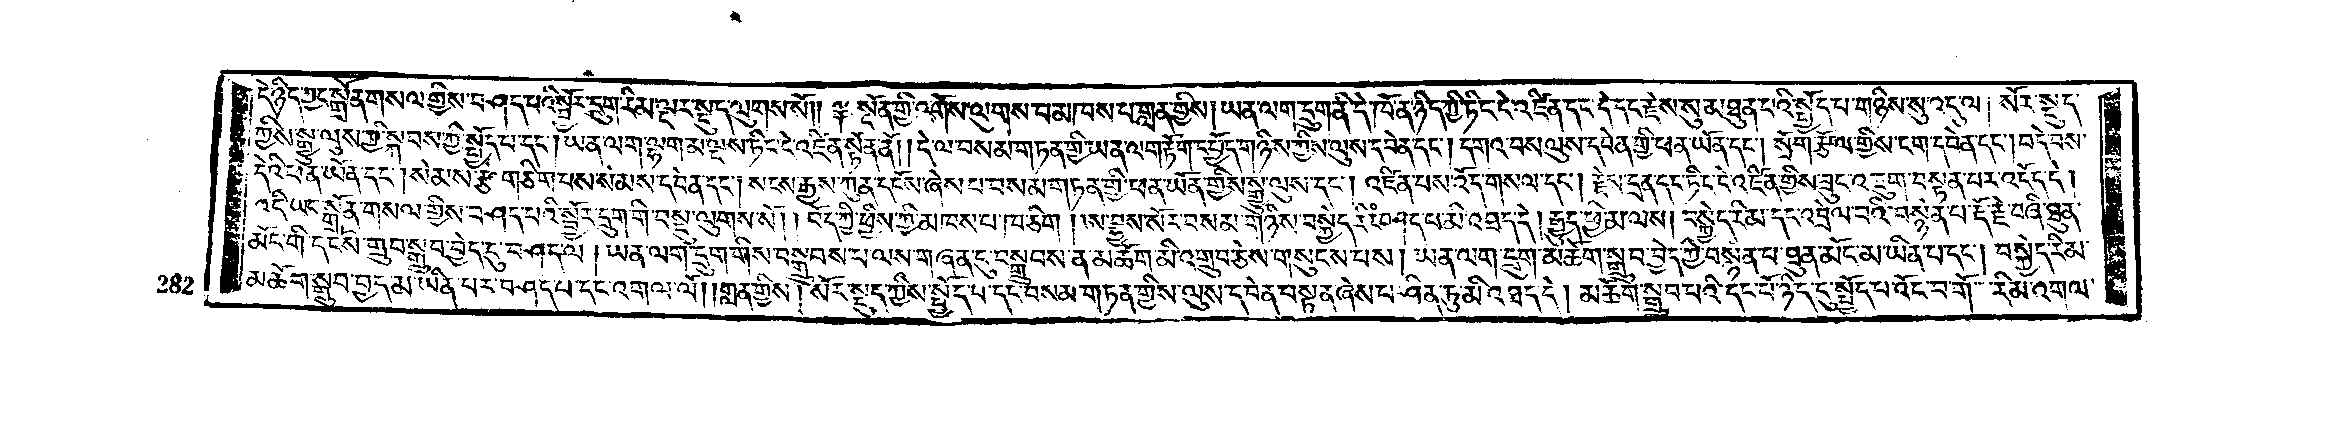དེ་ཉིད་ཀྱང་སྒྲོན་གསལ་གྱིས་བཤད་པའི་སྦྱོར་དྲུག་རིམ་ལྔར་སྡུད་ལུགས་སོ།། ༈ སྔོན་གྱི་འགོས་ལུགས་པ་མཁས་པ་གླན་གྱིས། ཡན་ལག་དྲུག་ནི་དེ་ཁོ་ན་ཉིད་ཀྱི་ཏིང་ངེ་འཛིན་དང་དེ་དང་རྗེས་སུ་མཐུན་པའི་སྤྱོད་པ་གཉིས་སུ་འདུ་ལ། སོར་སྡུད་
ཀྱིས་སྒྱུ་ལུས་ཀྱི་སྐབས་ཀྱི་སྤྱོད་པ་དང་། ཡན་ལག་ལྷག་མ་ལྔས་ཏིང་ངེ་འཛིན་སྟོན་ནོ། །དེ་ལ་བསམ་གཏན་གྱི་ཡན་ལག་རྟོག་དཔྱོད་གཉིས་ཀྱིས་ལུས་དབེན་དང་། དགའ་བས་ལུས་དབེན་གྱི་ཕན་ཡོན་དང་། སྲོག་རྩོལ་གྱིས་ངག་དབེན་དང་། བདེ་བས་
དེའི་?་ཕན་ཡོན་དང་། སེམས་རྩེ་གཅིག་པས་སེམས་དབེན་དང་། སངས་རྒྱས་ཀུན་དངོས་ཞེས་པ་བསམ་གཏན་གྱི་ཕན་ཡོན་གྱིས་སྒྱུ་ལུས་དང་། འཛིན་པས་འོད་གསལ་དང་། རྗེས་དྲན་དང་ཏིང་ངེ་འཛིན་གྱིས་ཟུང་འཇུག་བསྟན་པར་འདོད་དེ།
འདི་ཡང་སྒྲོན་གསལ་གྱིས་བཤད་པའི་སྦྱོར་དྲུག་གི་བསྡུ་ལུགས་སོ། །བོད་ཀྱི་ཕྱིས་ཀྱི་མཁས་པ་ཁ་ཅིག །ཨ་བྷྱས་སོར་བསམ་གཉིས་བསྐྱེད་རིཾ་དུ་བཤད་པ་མི་འཐད་དེ། རྒྱུད་ཕྱི་མ་ལས། བསྐྱེད་རིམ་དང་འབྲེལ་བའི་བསྙེན་པ་རྡོ་རྗེ་བཞི་ཐུན་
ཕ༹མོང་གི་དངོས་གྲུབ་སྒྲུབ་བྱེད་དུ་བཤད་ལ། ཡན་ལག་དྲུག་གིས་བསྒྲུབས་པ་ལས་གཞན་དུ་བསྒྲུབས་ན་མཆོག་མི་འགྲུབ་ཅེས་གསུངས་པས། ཡན་ལག་དྲུག་མཆོག་སྒྲུབ་བྱེད་ཀྱི་བསྙེན་པ་ཐུན་མོང་མ་ཡིན་པ་དང་། བསྐྱེད་རིམ་
མཆོག་སྒྲུབ་བྱེད་མ་ཡིན་པར་བཤད་པ་དང་འགལ་ལོ། །གླན་གྱིས། སོར་སྡུད་ཀྱིས་སྤྱོད་པ་དང་བསམ་གཏན་གྱིས་ལུས་དབེན་བསྟན་ཞེས་པ་ཤིན་ཏུ་མི་འཐད་དེ། མཆོག་སྒྲུབ་པའི་དང་པོ་ཉིད་དུ་སྤྱོད་པ་འོང་བ་གོ་རིམ་འགལ་